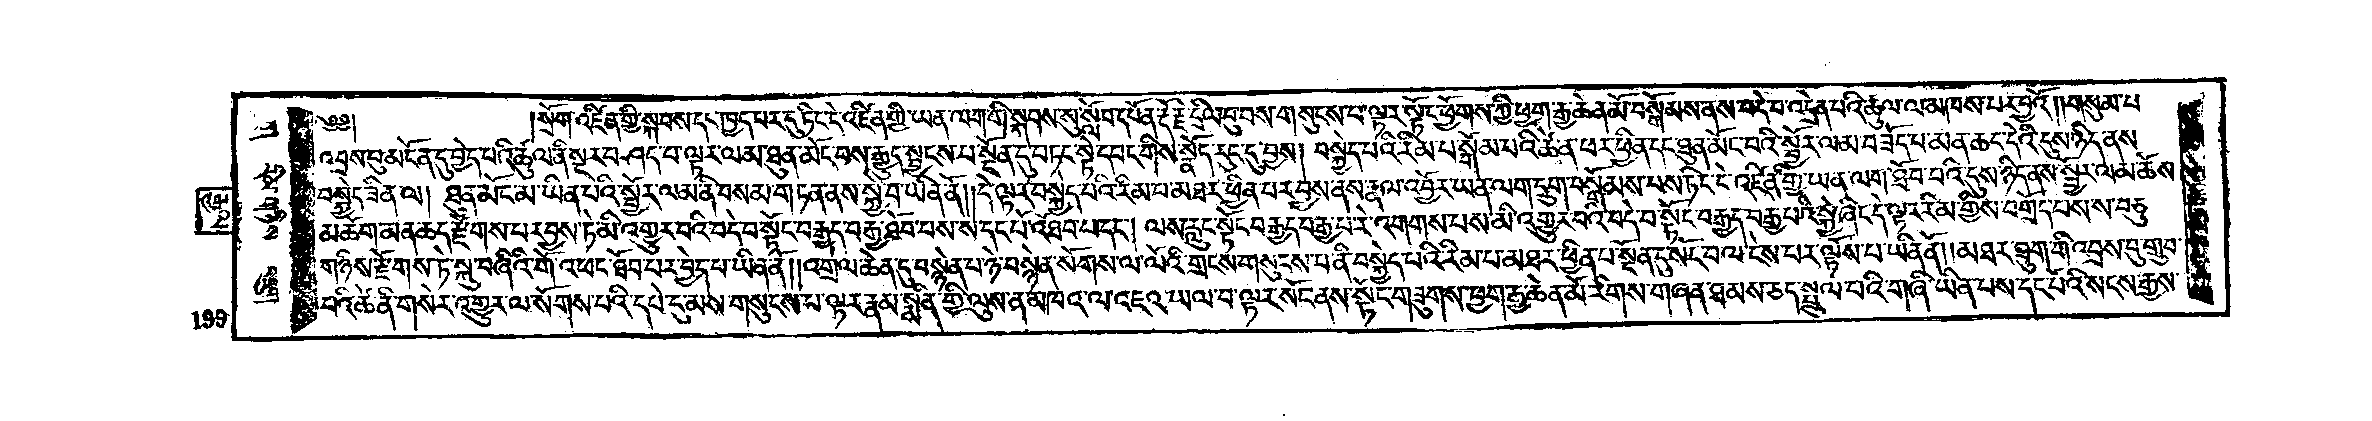༄༅། །སྲོག་འཛིན་གྱི་སྐབས་དང་ཁྱད་པར་དུ་ཏིང་ངེ་འཛིན་གྱི་ཡན་ལག་གི་སྐབས་སུ་སློབ་དཔོན་རྡོ་རྗེ་དྲིལ་བུ་བས་གསུངས་པ་ལྟར་སྟོང་ཕྱོགས་ཀྱི་ཕྱག་རྒྱ་ཆེན་མོ་བསྒོམས་ནས་བདེ་བ་འདྲེན་པའི་ཚུལ་ལ་མཁས་པར་བྱའོ། །གསུམ་པ་
འབྲས་བུ་མངོན་དུ་བྱེད་པའི་ཚུལ་ནི་སྔར་བཤད་པ་ལྟར་ལམ་ཐུན་མོང་བས་རྒྱུད་སྦྱངས་པ་སྔོན་དུ་བཏང་སྟེ་དབང་གིས་སྣོད་རུང་དུ་བྱས། བསྐྱེད་པའི་རིམ་པ་སྒོམ་པའི་ཚེ་ན་ཕར་ཕྱིན་དང་ཐུན་མོང་བའི་སྦྱོར་ལམ་བཟོད་པ་མན་ཆད་དེའི་དུས་ཉིད་ནས་
བསྐྱེད་ཟིན་ལ། ཐུན་མོང་མ་ཡིན་པའི་སྦྱོར་ལམ་ནི་བསམ་གཏན་ནས་སྐྱེ་བ་ཡིན་ནོ། །དེ་ལྟར་བསྐྱེད་པའི་རིམ་པ་མཐར་ཕྱིན་པར་བྱས་ནས་རྣལ་འབྱོར་ཡན་ལག་དྲུག་བསྒོམས་པས་ཏིང་ངེ་འཛིན་གྱི་ཡན་ལག་ཐོབ་པའི་དུས་ཉིད་ནས་སྦྱོར་ལམ་ཆོས་
མཆོག་མན་ཆད་རྫོགས་པར་བྱས་ཏེ་མི་འགྱུར་བའི་བདེ་བ་སྟོང་བརྒྱད་བརྒྱ་ཐོབ་པས་ས་དང་པོ་འཐོབ་པ་དང་། ལས་རླུང་སྟོང་བརྒྱད་བརྒྱ་པ་རེ་འགགས་པས་མི་འགྱུར་བའི་བདེ་བ་སྟོང་བརྒྱད་བརྒྱ་བའི་སྐྱེ་ཞིང་དེ་ལྟར་རིམ་གྱིས་བགྲོད་པས་ས་བཅུ་
གཉིས་རྫོགས་ཏེ་སྐུ་བཞིའི་གོ་འཕང་ཐོབ་པར་བྱེད་པ་ཡིན་ནོ། །འགྲེལ་ཆེན་དུ་བསྙེན་པ་ཉེ་བསྙེན་སོགས་ལ་ལོའི་གྲངས་གསུངས་པ་ནི་བསྐྱེད་པའི་རིམ་པ་མཐར་ཕྱིན་པ་སྔོན་དུ་སོང་བ་ལ་ངེས་པར་ལྟོས་པ་ཡིན་ནོ། །མཐར་ཐུག་གི་འབྲས་བུ་གྲུབ་
པའི་ཚེ་ནི་གསེར་འགྱུར་ལ་སོགས་པའི་དཔེ་དུ་མས་གསུངས་པ་ལྟར་རྣམ་སྨིན་གྱི་ལུས་ནམ་མཁའ་ལ་འཛའ་ཡལ་བ་ལྟར་སོང་ནས་སྟོང་གཟུགས་ཕྱག་རྒྱ་ཆེན་མོ་རིགས་གཞན་ཐམས་ཅད་སྤྲུལ་པའི་གཞི་ཡིན་པས་དང་པོའི་སངས་རྒྱས་